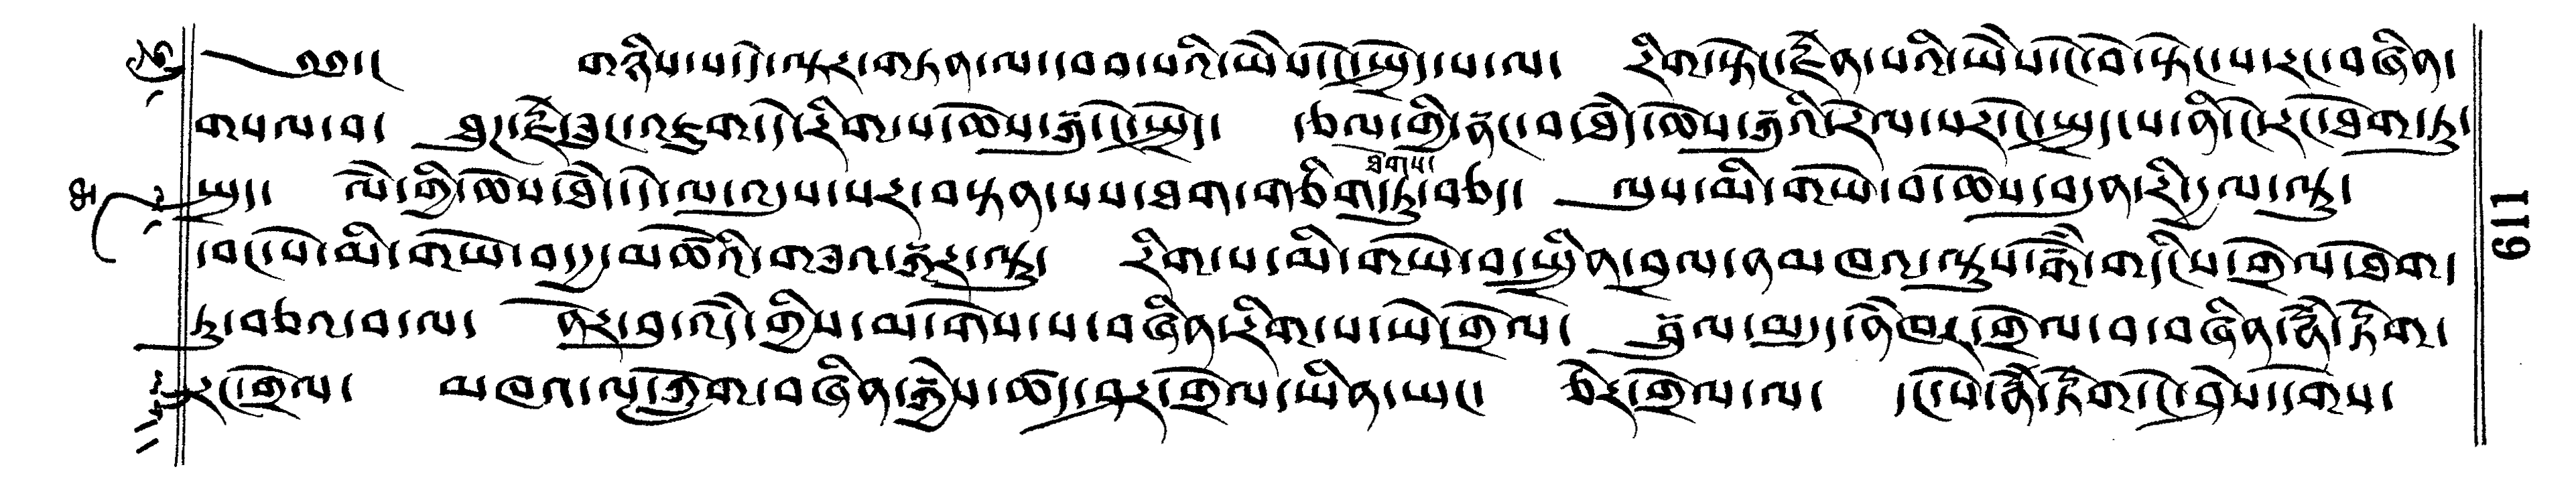གཉིས་པ་དེ་ལྟར་གཏན་ལ་དབབ་པའི་ཡེ་ཤེས་ངོ་སྤྲོད་པ་ལ། རིག་སྟོང་རྗེན་པའི་ཡེ་ཤེས་ངོ་བོ་སྟོང་པ། རང་བཞིན་
གསལ་བ། ཐུགས་རྗེ་ཟུང་འཇུག་དེ་རིག་པ་ཆོས་སྐུར་ངོ་སྤྲོད། རྩལ་གྱི་སྣང་བ་ཐམས་ཅད་ཆོས་སྐུའི་རོལ་པར་ངོ་སྤྲད་པ་ནི་ངོ་རང་ཐོག་ཏུ་
སྤྲད། ལམ་གྱི་ཆོས་ཐམས་ཅད་དེ་ལ་འདུས་པར་བསྟན་པས་ཐག་གཅིག་ཐོག་ཏུ་བཅད། ལུས་མི་གཡོ་བ་ཆོས་བདུན་རི་རྒྱལ་ལྟ་བུ་
དབང་པོ་མི་གཡོ་བ་རྒྱ་མཚོའི་གཟའ་སྐར་ལྟ་བུ།རིག་པ་མི་གཡོ་བ་སྤྲིན་བྲལ་ནམ་མཁའ་ལྟ་བུས་སྒོམ་གདེང་གྲོལ་ཐོག་
ཏུ་བཅའ་བ་ལ། ནོར་བུ་འདམ་གྱིས་མ་གོས་པ་བཞིན་རིག་པ་ཡེ་གྲོལ། སྦྲུལ་མདུད་ནམ་མཁར་གྲོལ་བ་བཞིན་རྣམ་རྟོག་
རང་གྲོལ། མཁའ་ལ་ཀློག་བཞིན་སྐྱེས་ཚད་ཤར་གྲོལ་ཡིན་ཡང་། ཅེར་གྲོལ་ལ། དང་པོ་རྣམ་རྟོག་ངོ་ཤེས་དགོས་